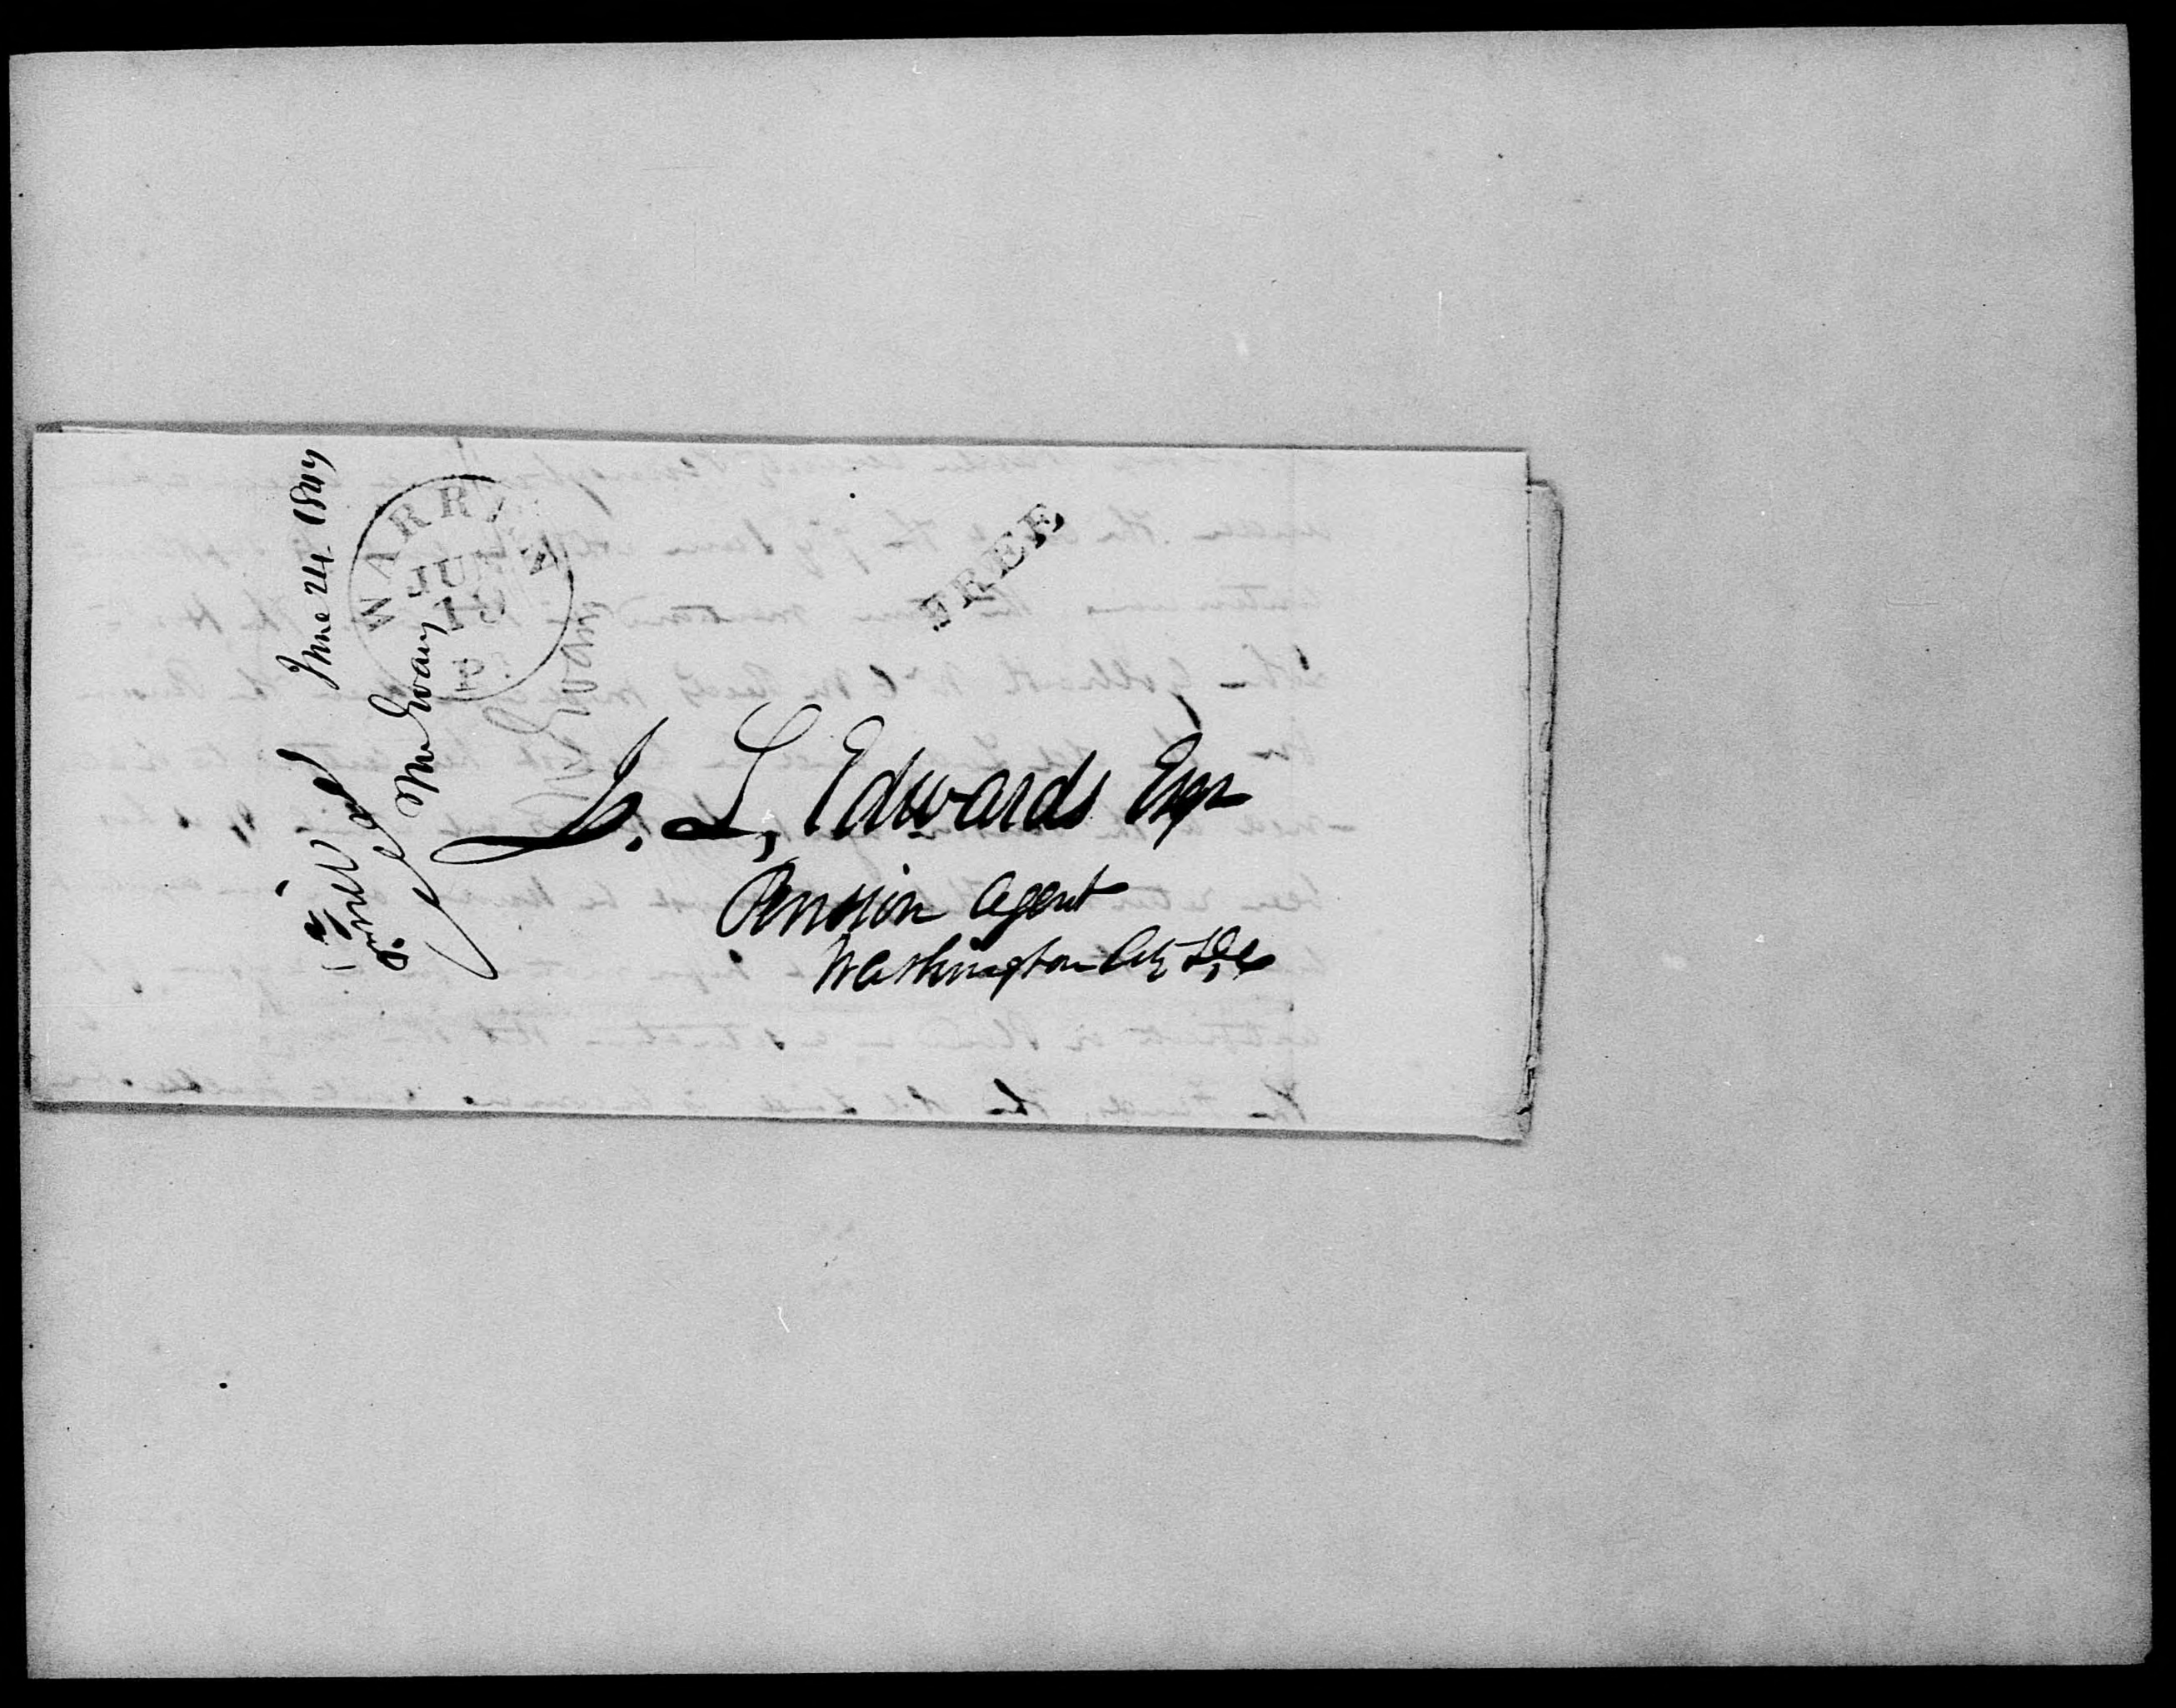(envelope)

J. L. Edwards Esqr
Pension Agent
Washington City  DC

(to mail stamps)
FREE

WARREN PA
JUNE 19

(notes to left side)

June 24, 1847 ]
Mr. Goary(?)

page: 45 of 77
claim: widow's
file: W 2954, for James Mc Gee, Delaware